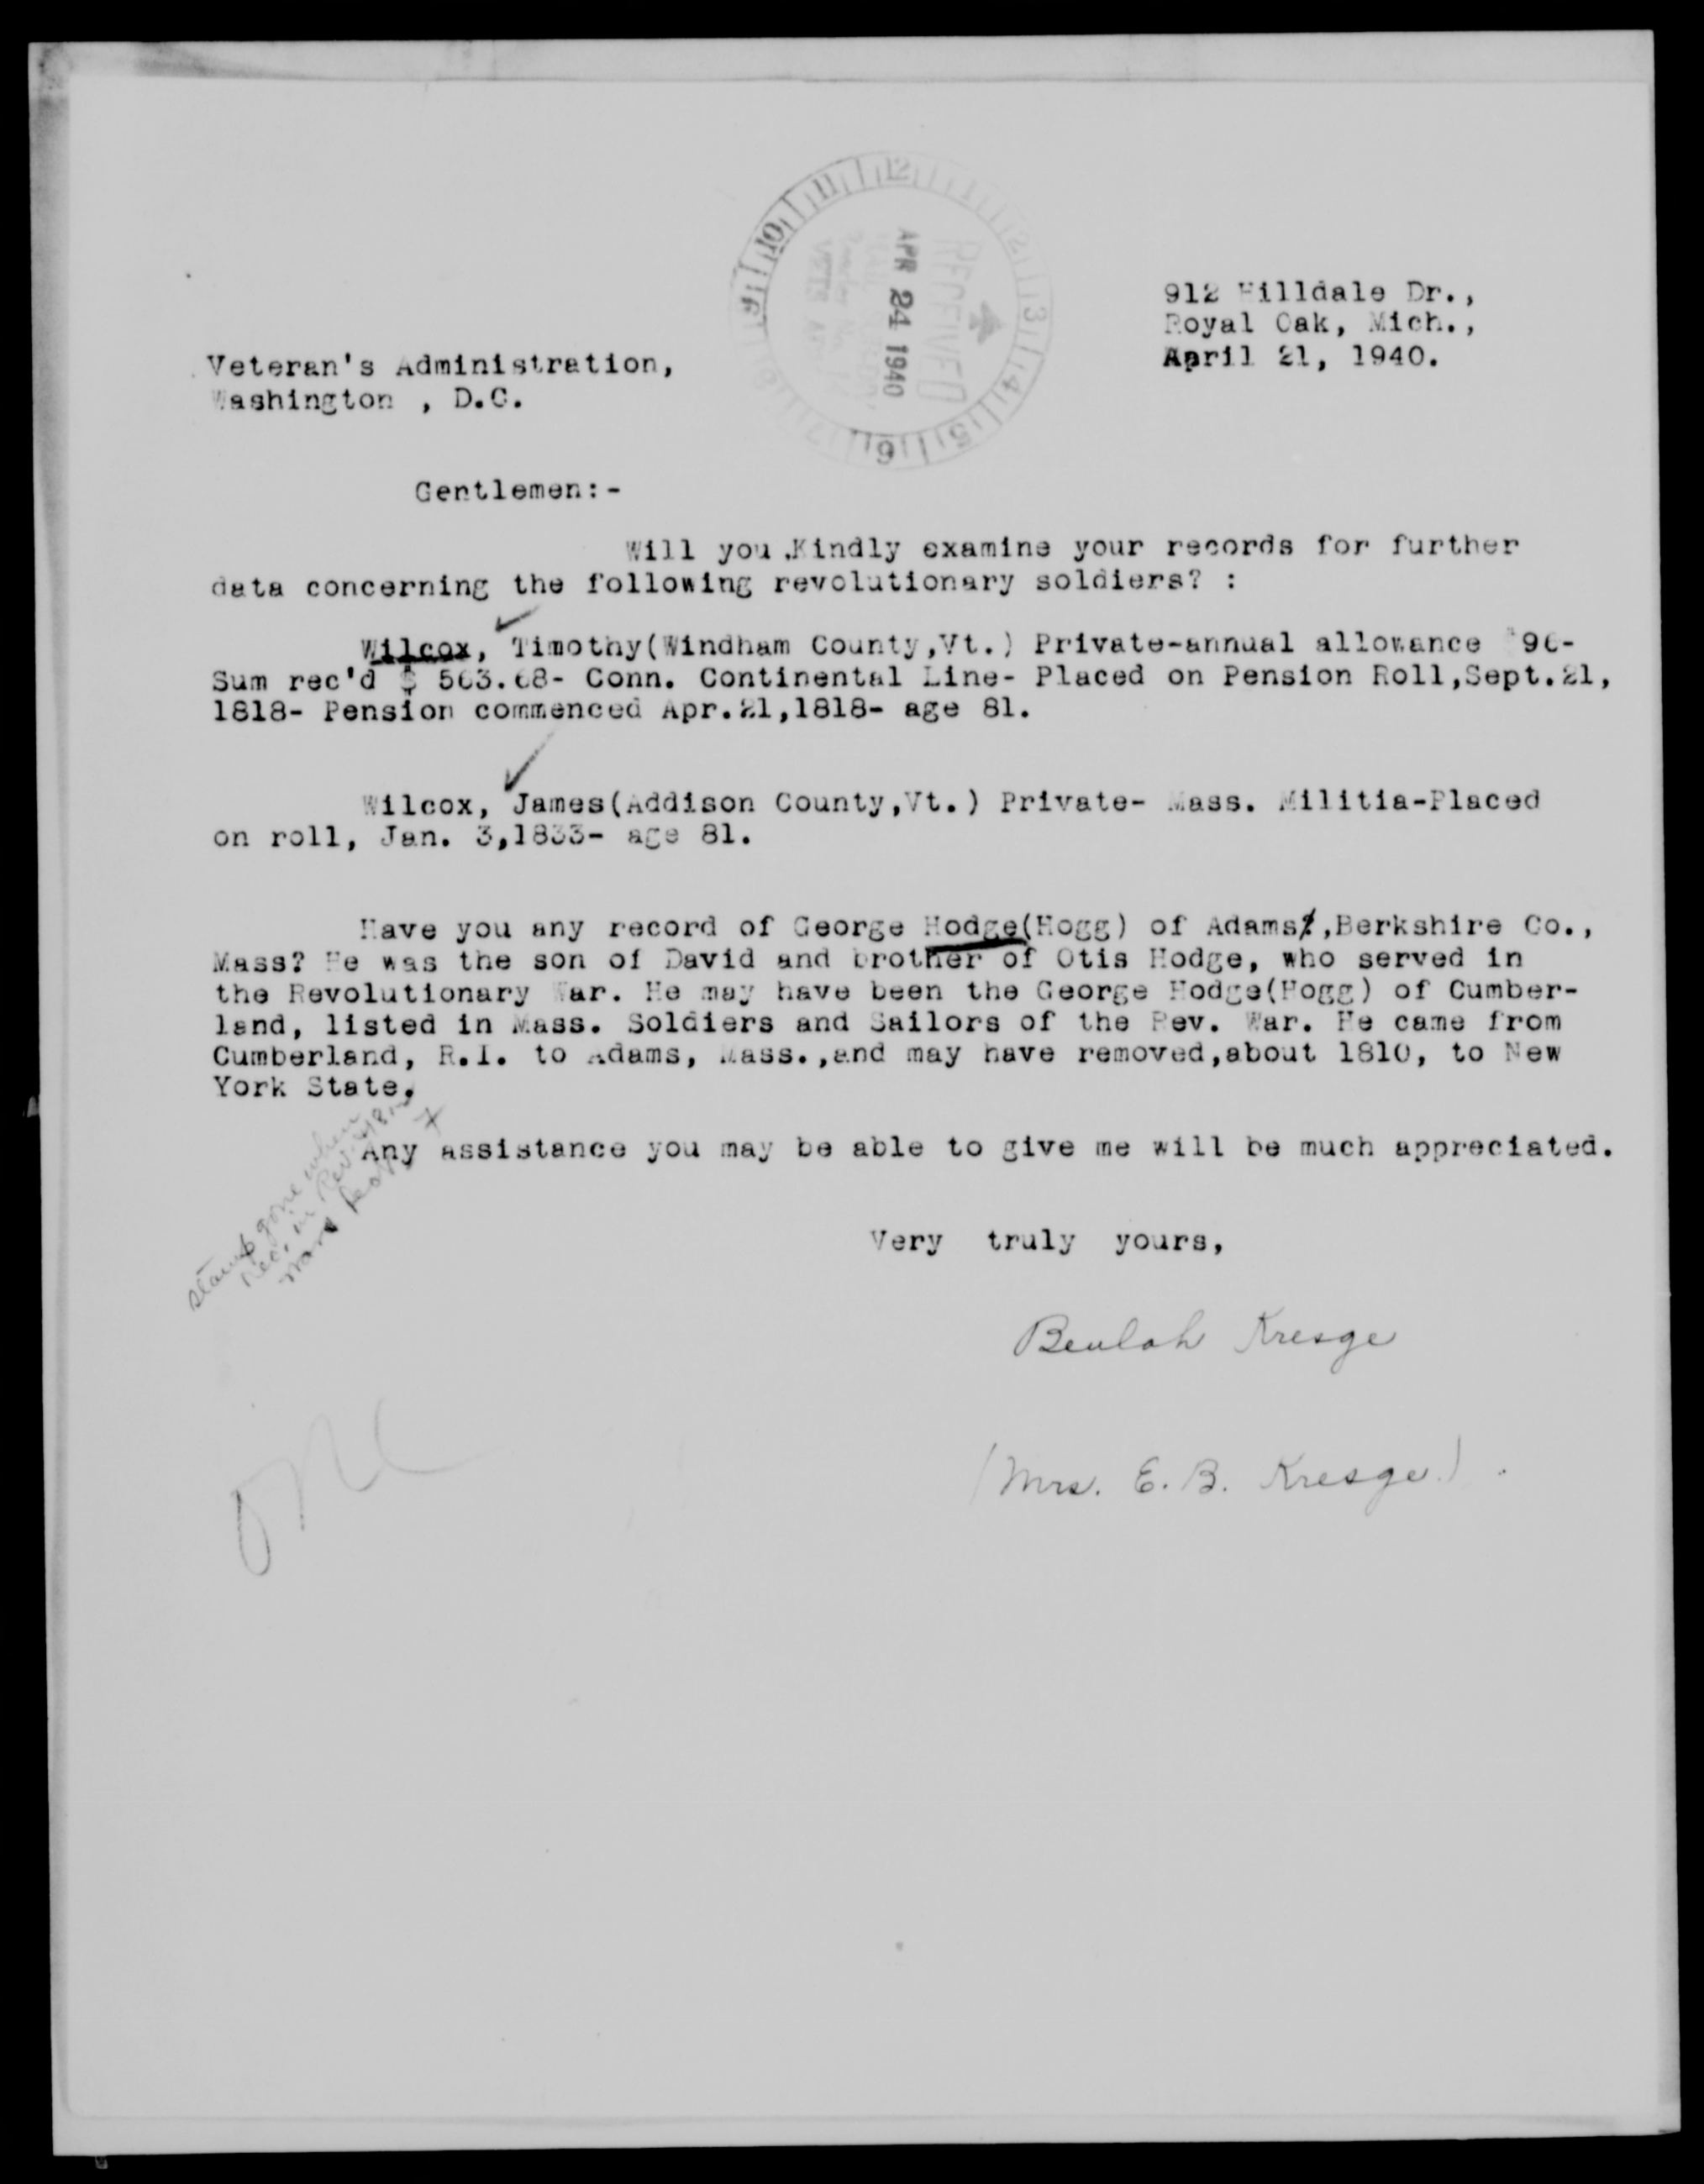[Note: the imprint of a Received stamp dated Apr 24 1940]

912 Willdale Dr.,
Royal Oak, Mich.,
April 21, 1940.

Veteran's Administration,
Washington, D.C.

Gentlemen:--

Will you kindly examine your records for further
data concerning the following revolutionary soldiers? :

Wilcox, Timothy Windham County, Vt.) Private annual allowance de
Sum rec'd $56368 Conn. Continental Line. Placed on Pension Roll, Sept. 21,
1818 -- Pension commenced Apr. 21, 1818 age 81.

Wilcox, James Addison County, Vt.) Private Mass. Militia-placed
on roll, Jan. 3, 1833, age 81.

Have you any record of George Hodge (Hogg) of Adams, Berkshire Co.,
Mass. He was the son of David and brother of Otis Hodge, who served in
the Revolutionary War. He may have been the George Hodge (Fogg) of Cumberland
, listed in Mass. Soldiers and Sailors of the Rev. War. He came from
Cumberland, R. I. to Adams, Mass., and may have removed, about 1810, to New York
State,

Any assistance you may be able to give me will be much appreciated.

Very truly yours,
Beulah Kresge
Mrs. E. B. Kresge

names: Timothy Wilcox, George Hogg, James Wilcox, Otis Hodge, George Hodge, David, Beulah Kresge, E B Kresge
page: 15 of 15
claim: survivor's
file: S. 41336, Timothy Willcox, Conn. Continental